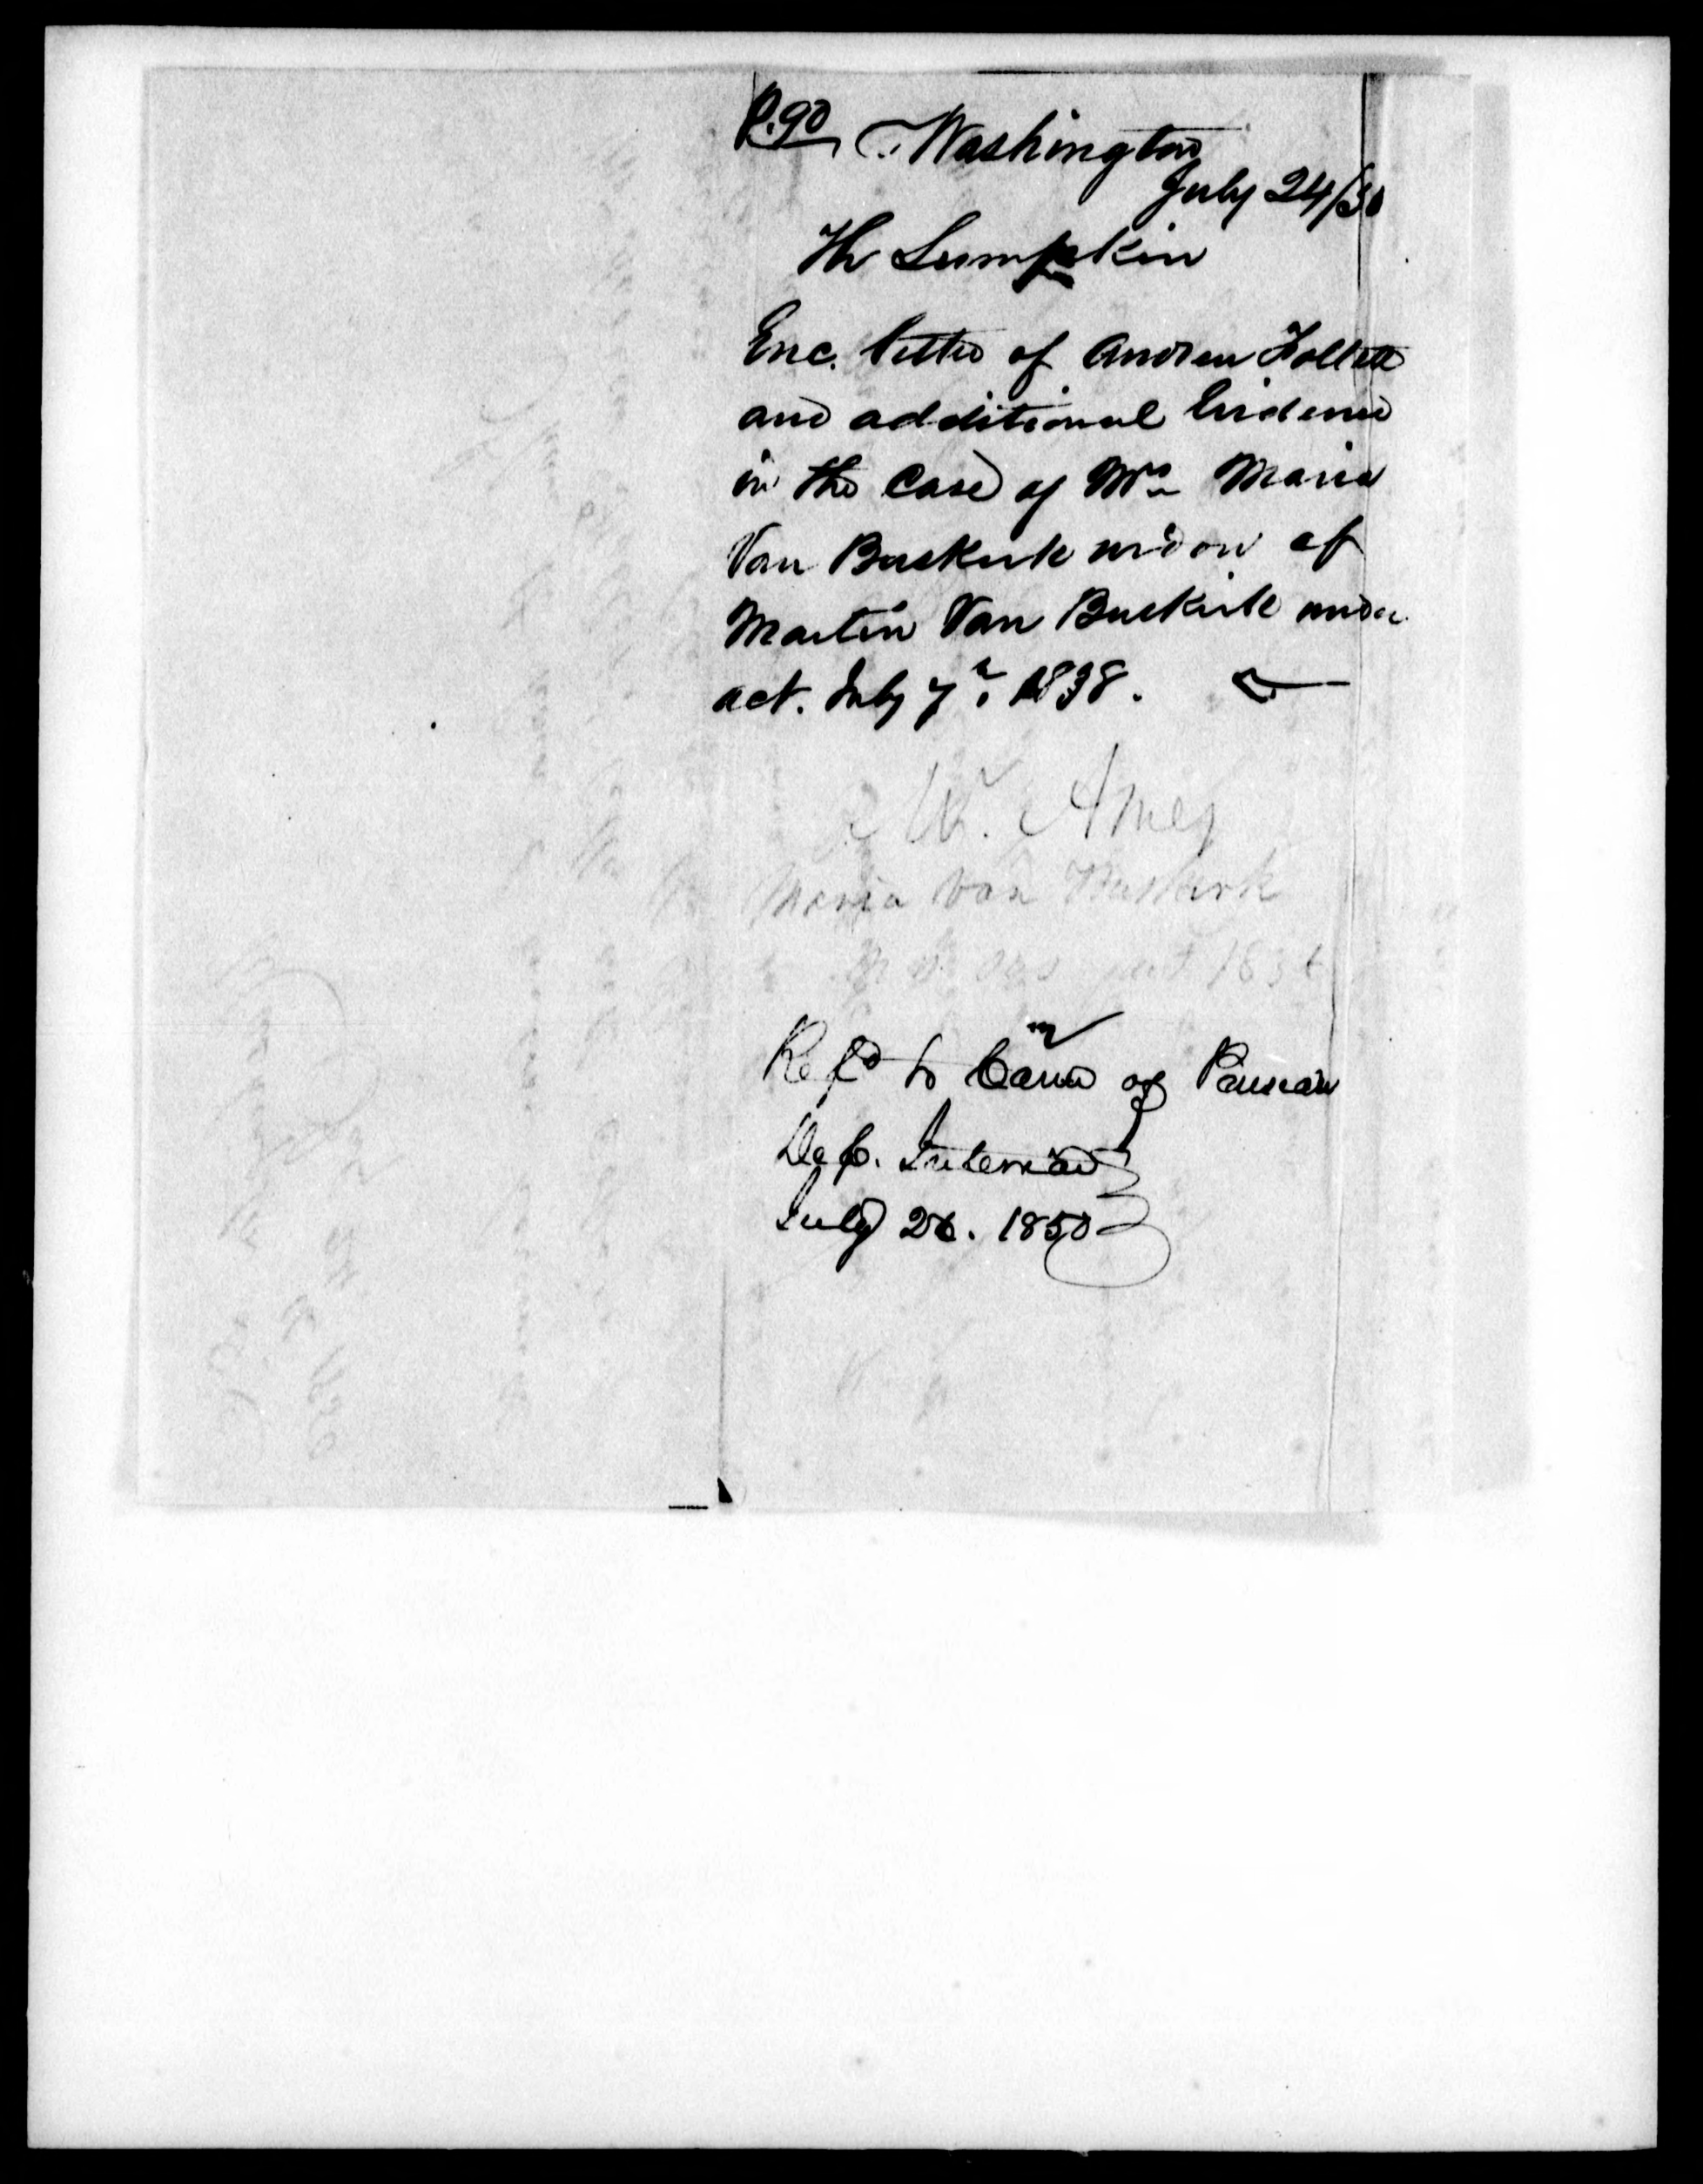R.90

Washington
July 24/30

Th Lumpkin

Enc letter of Andrew Follet and additional evidence in the case of Mrs. Maria Van Buskerk widow of Martin Van Buskirk under act July 7. 1838.

W. Ames
Maria Van Buskirk
[illegible] sent 1837

Ref to Comm of Pensions
Dep. Interior
July 26 1850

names: Ames, Maria Van Buskirk, Th Lumpkin, Martin Van Buskirk, Maria Van Buskirk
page: 28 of 70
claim: rejected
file: R. 10,832, Martin Van Buskirk, New York.